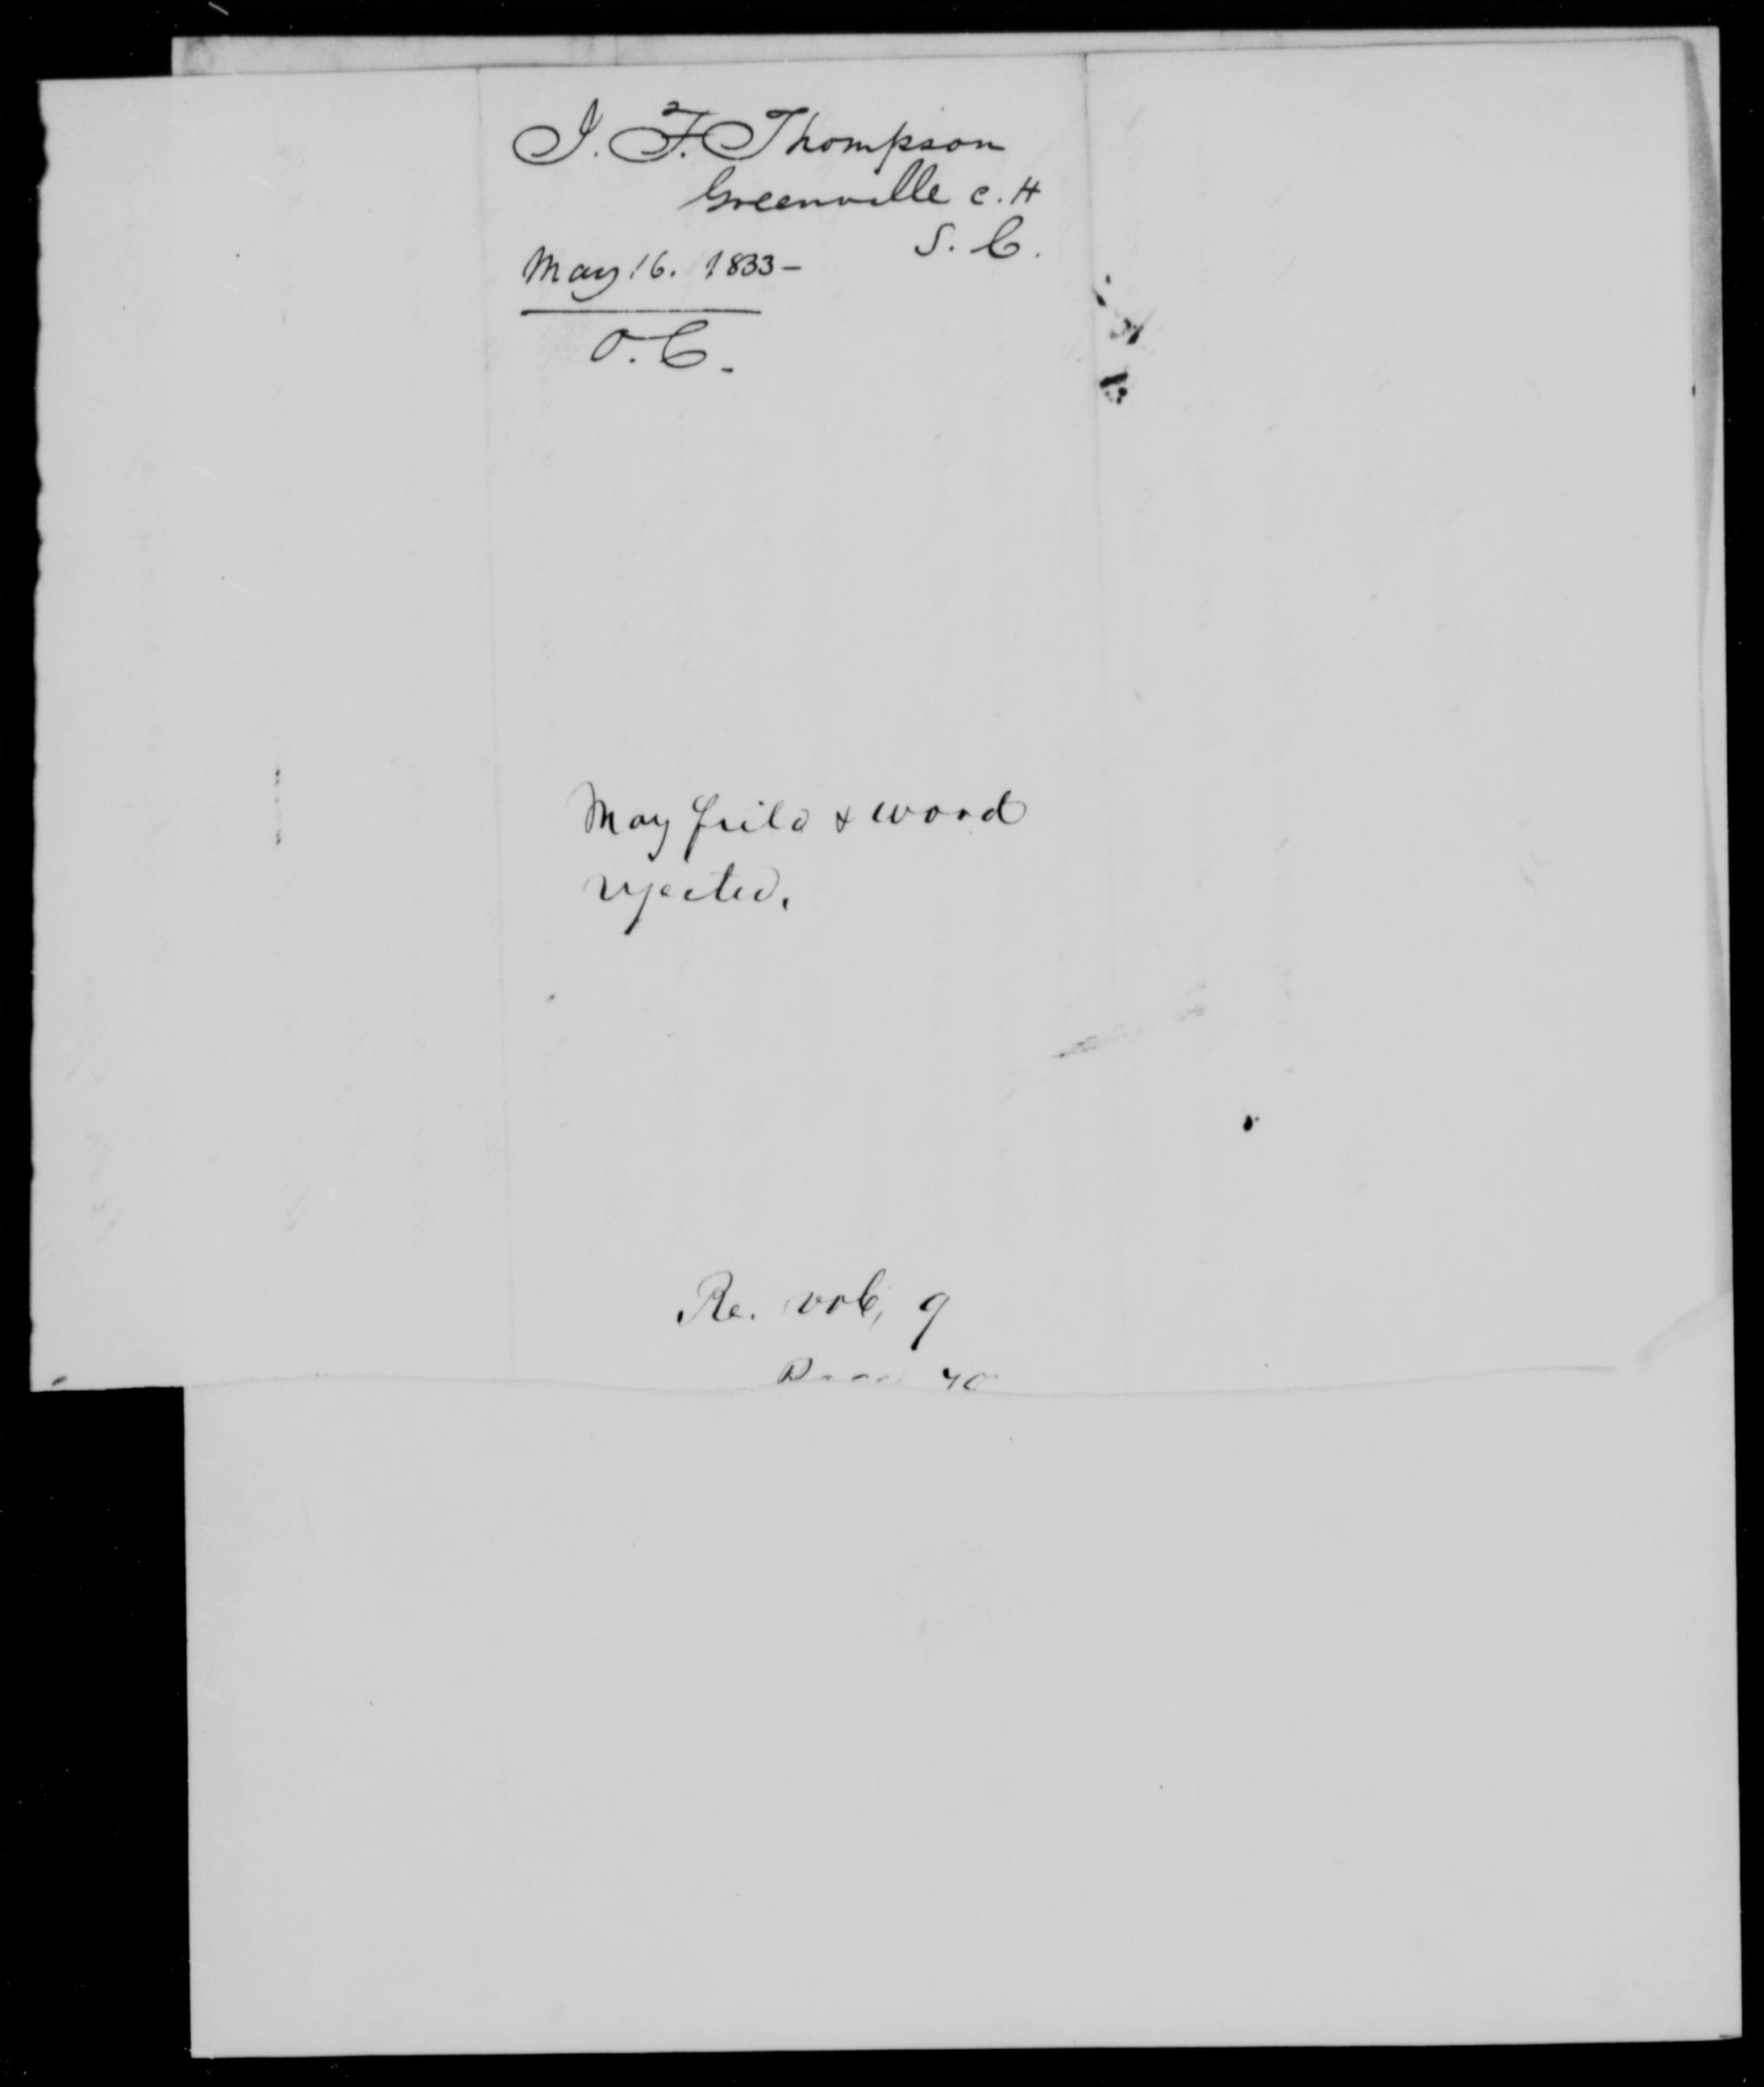J F Thompson Greenville C. H S.C.
May 16, 1833
O.C.
Mayfield and Wood rejected
Re. vol 9 Page 7x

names: Mayfield, J F Thompson, Wood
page: 26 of 40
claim: rejected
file: R. 11785, Henry Wood, N. C.